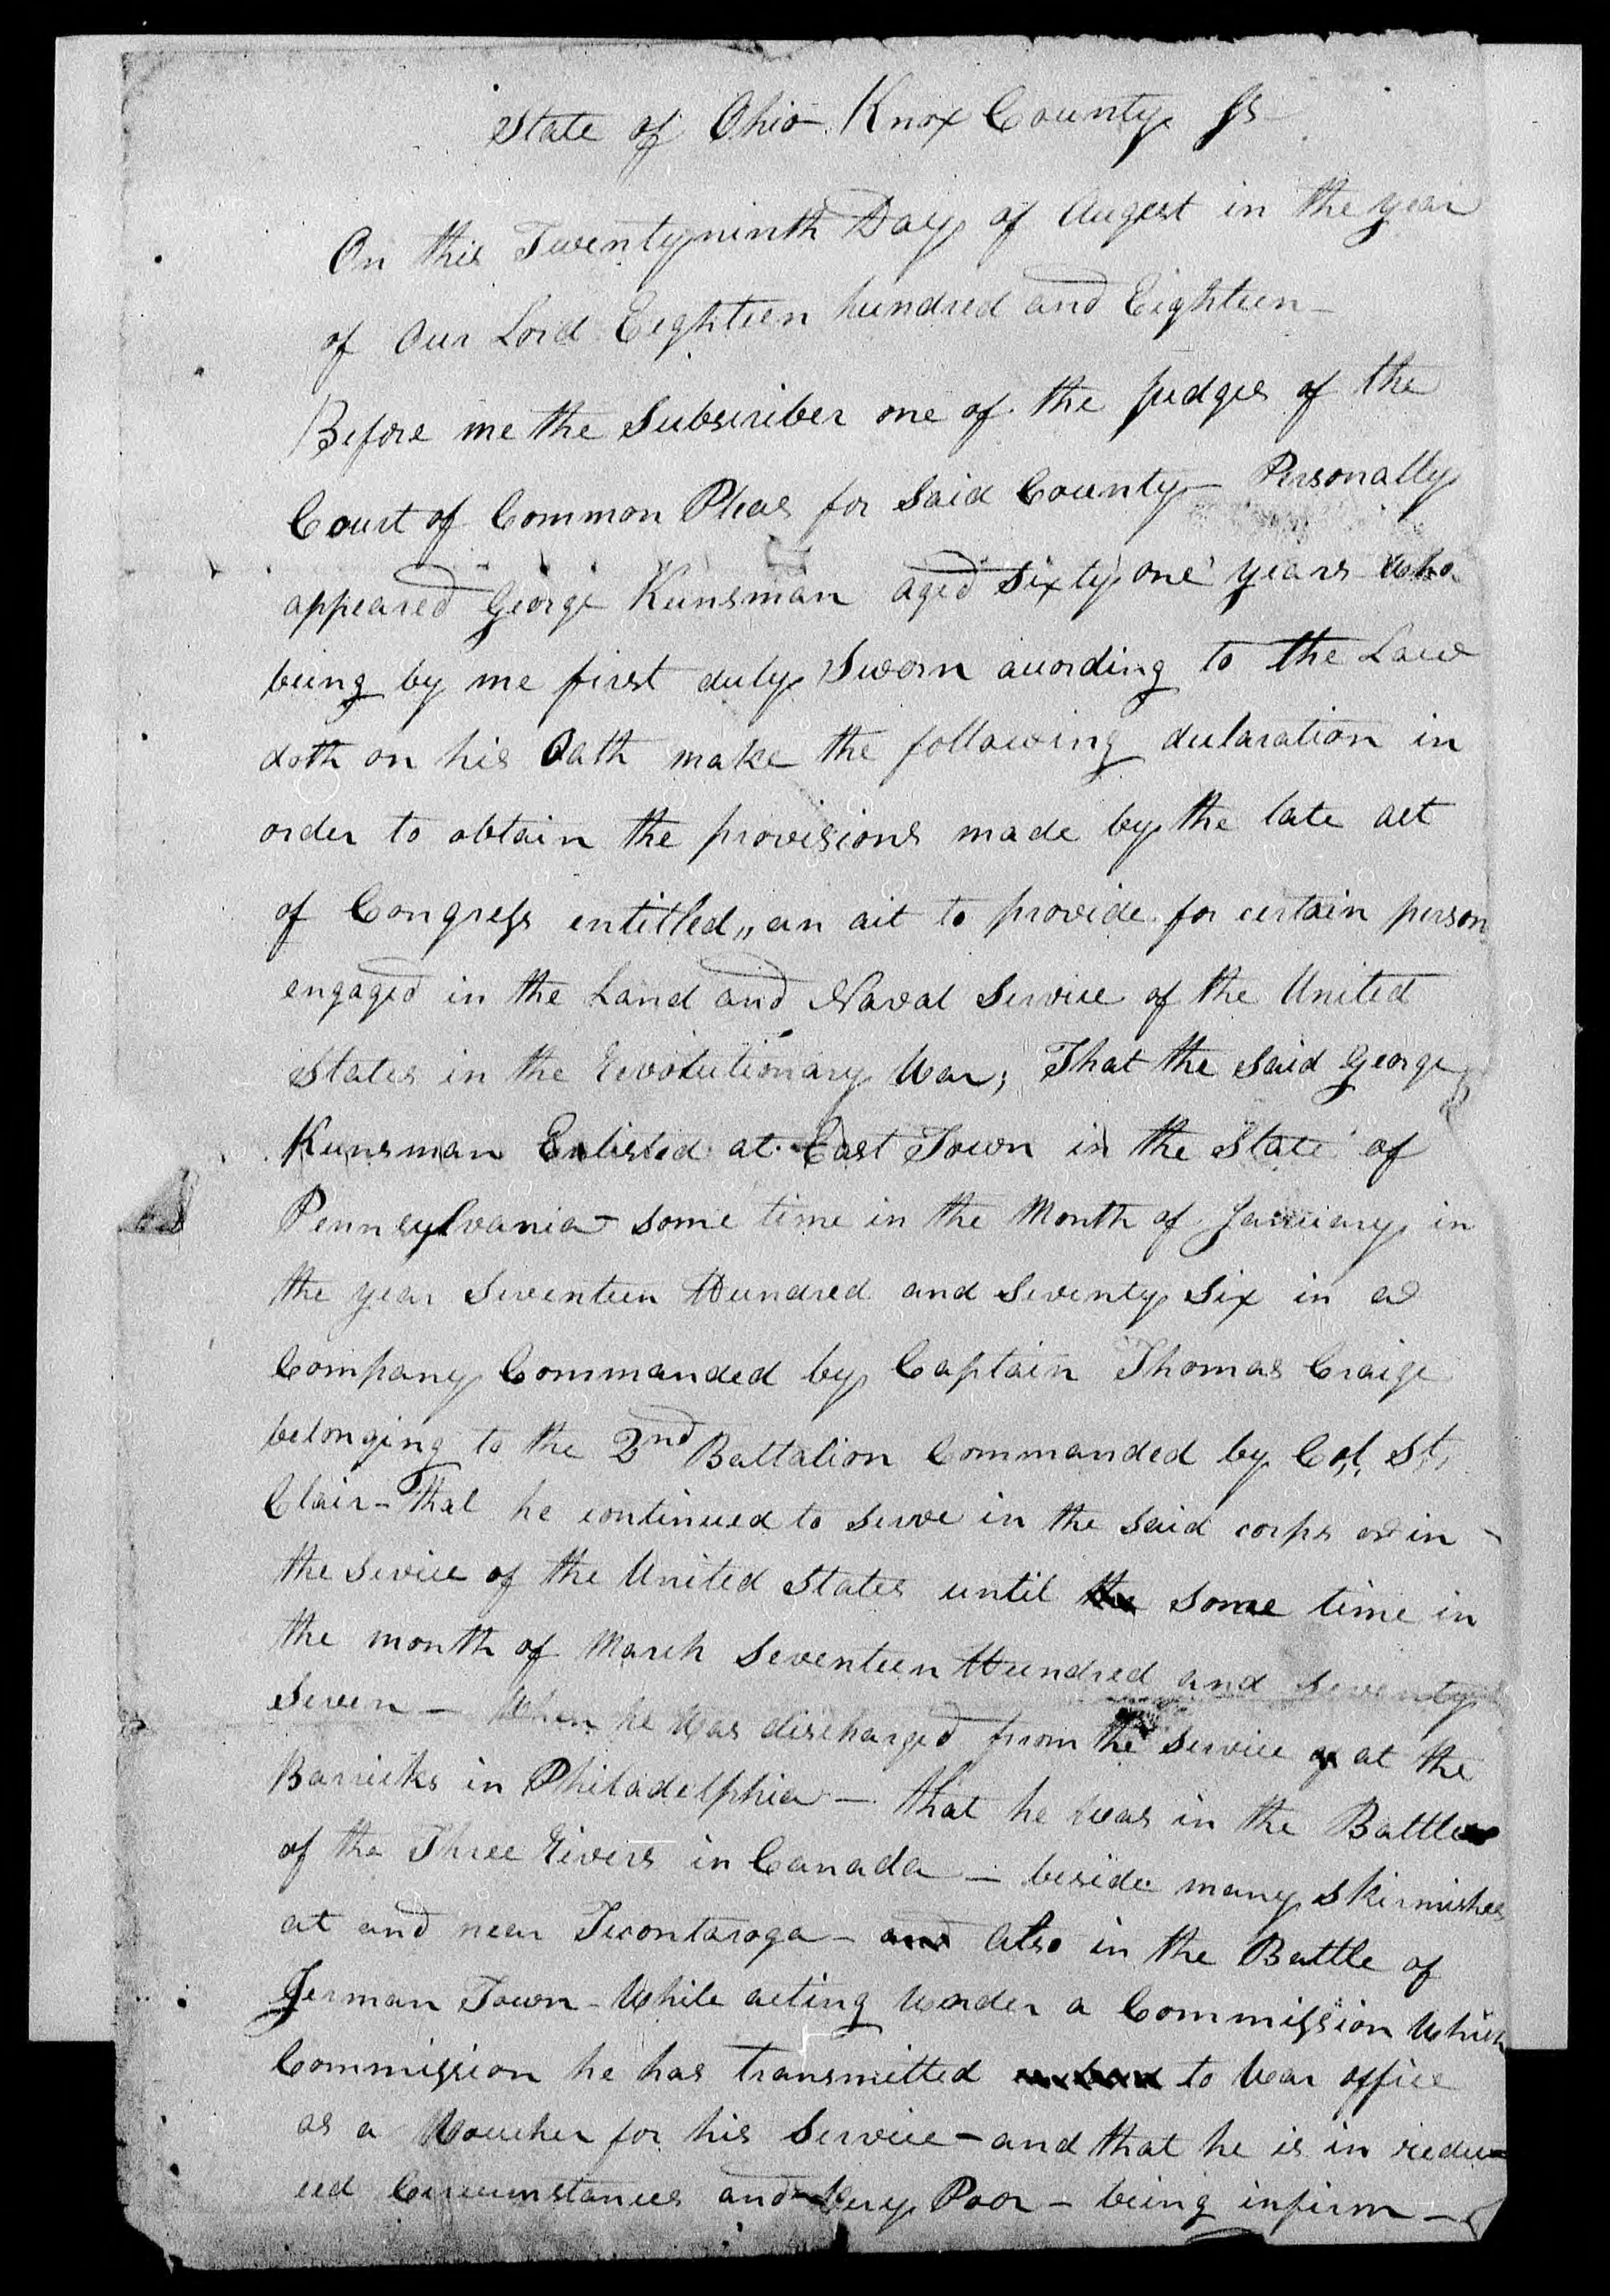State of Ohio Knox County SS
On this twenty ninth day of August in the year of our Lord eighteen hundred and eighteen before me the subscriber one of the Judges of the Court of Common Pleas for said County personally appeared George Kunsman aged sixty one years who being by me first duly sworn according to the law doth on his oath make the following declaration in order to obtain the provisions made by the late act of Congress entitled "An act to provide for certain persons engaged in the land and naval service of the United States in the Revolutionary War. That the said George Kunsman enlisted at East Town in the State of Pennsylvania some time in the month of January in the year seventeen hundred and seventy six in a company commanded by Captain Thomas Craig belonging to the 2nd battalion commanded by Col St. Clair. That he continued to serve in the said corps and in the service of the United States until some time in the month of March seventeen hundred and seventy seven - when he was discharged from the service at the Barricks in Philadelphia - that he was in the Battle of the Three Rivers in Canada -besides many skirmishes at and near Ticonderoga- also in the Battle of German Town. While acting under a commission which commission he has transmitted to War office as a voucher for his service - and that he is in reduced circumstances and very poor - being infirm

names: [BLANK] St Clair; Thomas Craige; George Kunsman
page: 6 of 23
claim: survivor's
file: S. 41736, for George Kunsman, Pennsylvania